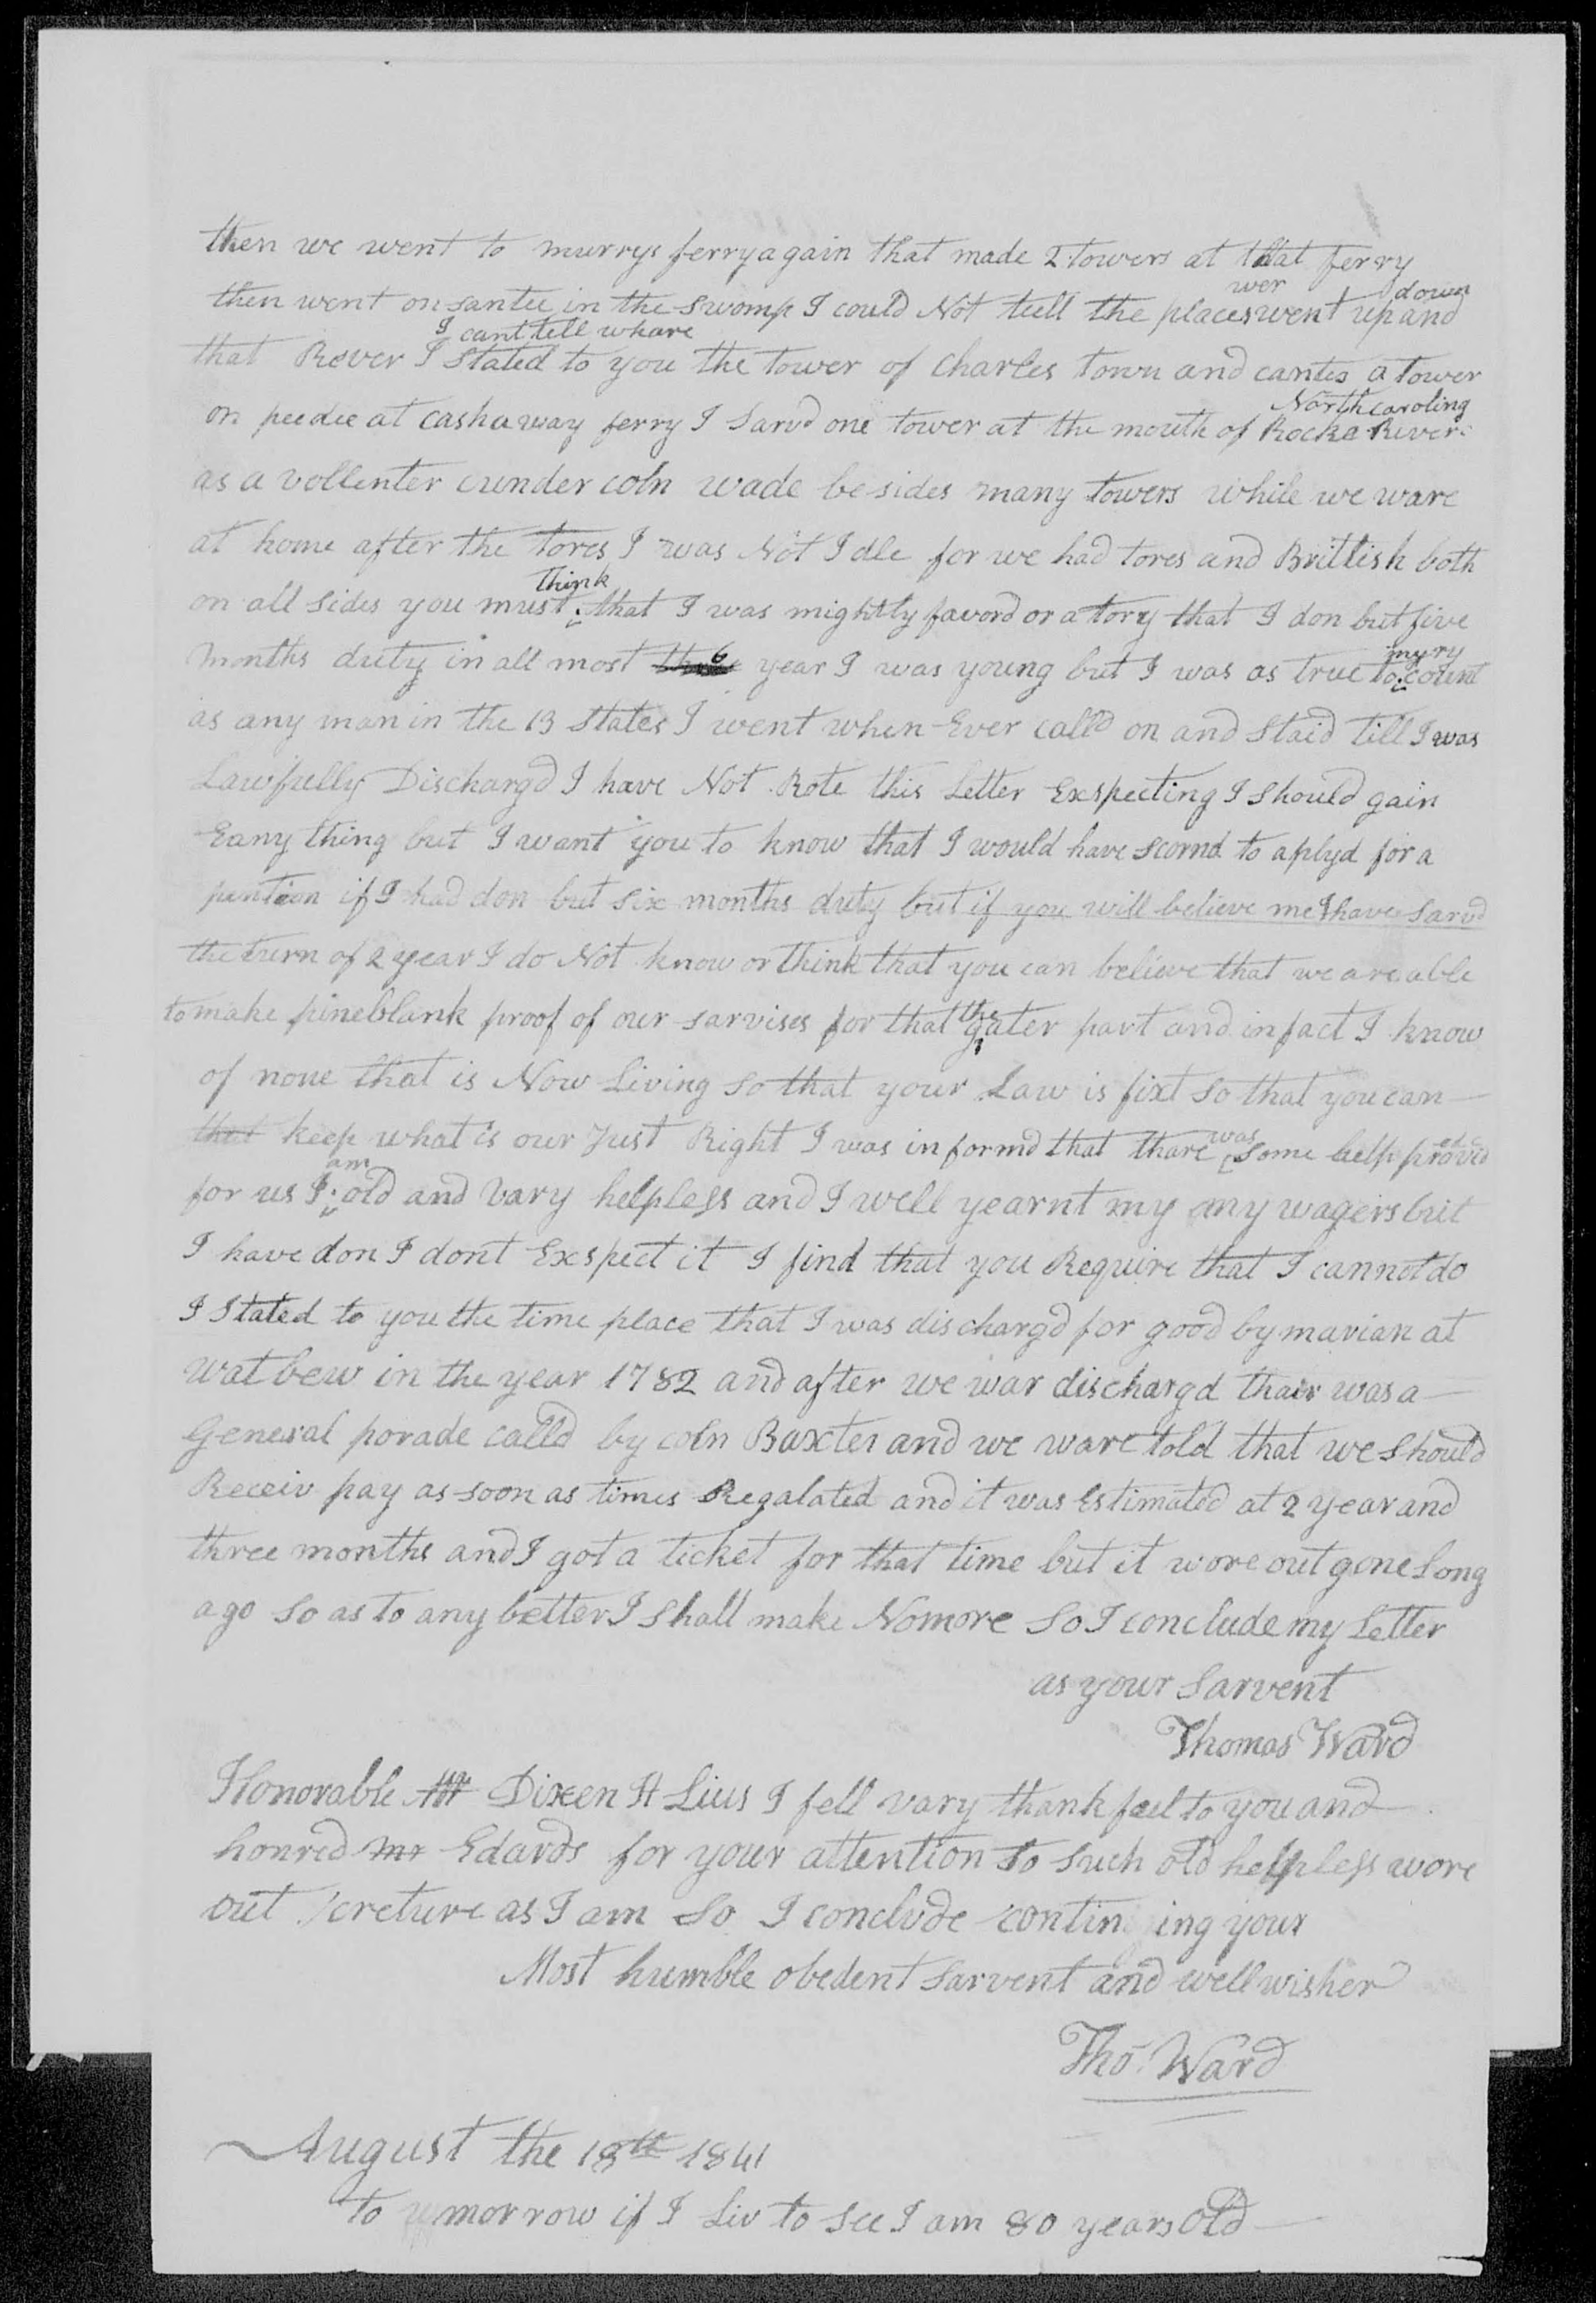then we went to murry ferry again that made 2 towers at that ferry then went on santee in the swomp I could Not tell the places were went up and down that Rever I can't tell whare I stated to you the tower of Charles town and cantes a tower on peedee at cashaway ferry I sarvd one tower at the mouth of Rocke River North Carolina as a vollenter under coln wade besides many towers while we ware at home after the tores I was Not Idle for we had tores and Brittish both on all sides you must think that I was mightly favord or a tory that I don but five months duty in all most 6 ['three' crossed out] year I was young but I was as true to my country as any man in the 13 states I went when Ever calld on and staid till I was Lawfully Dischargd I have Not Rote this Letter Exspecting I should gain Eany thing but I want you to know that I would have scornd to aplyd for a pention if I had don but six months duty but if you will believe me I have Sarvd the turn of 2 year I do Not know or think that you can believe that we are able to make pineblank proof of our sarvises for that the gater part and in fact I know of none that is Now Living so that your Law is fixt so that you can ___ [crossed out 'that'] keep what is our just Right I was informed that thare was some help provided for us  I am old and vary helpless and I will yearnt my any wagers brit I have don I dont Exspect it I find that you Require that I cannot do I stated to you the time place that I was dischargd for good by marian at watbew in the year 1782 and after we war discgargd thair was a ___ General porade called by coln Baxter and we ware told that we Should Receiv pay as soon as times Regulated and it was Estimated at 2 year and three months and I got a ticket for that time but it wore out gone Long ago so as to any better I shall make Nomore So I conclude my Letter as your Sarvent
Thomas Ward

Honorable Dixen H Luis I fell vary thankful to you and honored mr Edards for your attention to Such old helpless wore out creture as I am so I conclude continying your 
Most humble obedient Sarvent and well wisher
Tho. Ward

August the 18th  1841
to morrow if I Liv to see I am 80 years old ___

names: Thos Ward, Wade, Thomas Ward, Marion, Baxter, Edards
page: 29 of 31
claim: survivor's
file: S. 14802, Thomas Ward, S.C.